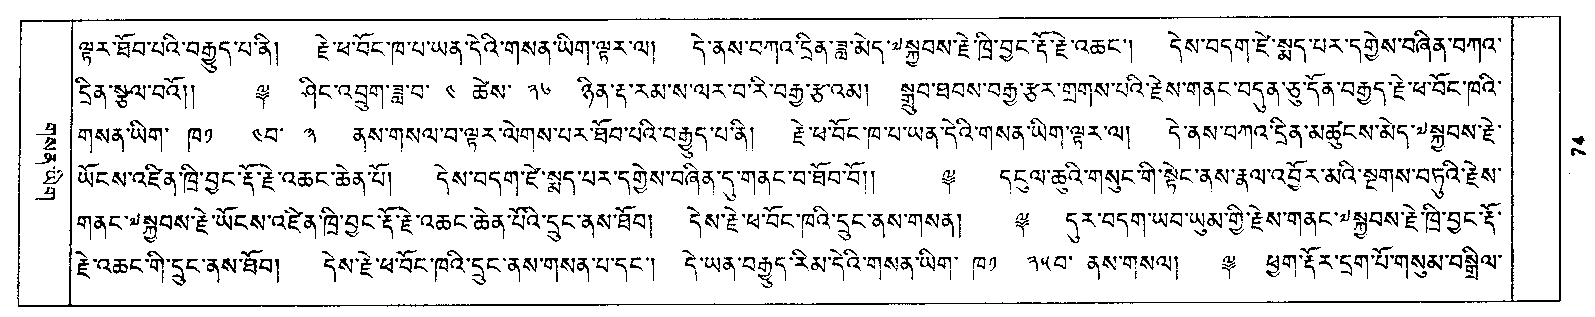ལྟར་ཐོབ་པའི་བརྒྱུད་པ་ནི། རྗེ་ཕ་བོང་ཁ་པ་ཡན་དེའི་གསན་ཡིག་ལྟར་ལ། དེ་ནས་བཀའ་དྲིན་ཟླ་མེད་༧་སྐྱབས་རྗེ་ཁྲི་བྱང་རྡོ་རྗེ་འཆང་། དེས་བདག་ཛེ་སྨད་པར་དགྱེས་བཞིན་བཀའ་
དྲིན་སྩལ་བའོ།། ༈ ཤིང་འབྲུག་ཟླ་བ ༤་ཚེས ༢༦་ཉིན་རྡ་རམ་ས་ལར་བ་རི་བརྒྱ་རྩའམ། སྒྲུབ་ཐབས་བརྒྱ་རྩར་གྲགས་པའི་རྗེས་གནང་བདུན་ཅུ་དོན་བརྒྱད་རྗེ་ཕ་བོང་ཁའི་
གསན་ཡིག་ཁ ༡ ༤་བ ༣་ནས་གསལ་བ་ལྟར་ལེགས་པར་ཐོབ་པའི་བརྒྱུད་པ་ནི། རྗེ་ཕ་བོང་ཁ་པ་ཡན་དེའི་གསན་ཡིག་ལྟར་ལ། དེ་ནས་བཀའ་དྲིན་མཚུངས་མེད་༧་སྐྱབས་རྗེ་
ཡོངས་འཛིན་ཁྲི་བྱང་རྡོ་རྗེ་འཆང་ཆེན་པོ། དེས་བདག་ཛེ་སྨད་པར་དགྱེས་བཞིན་དུ་གནང་བ་ཐོབ་བོ།། ༈ དངུལ་ཆུའི་གསུང་གི་སྟེང་ནས་རྣལ་འབྱོར་མའི་སྔགས་བཏུའི་རྗེས་
གནང་༧་སྐྱབས་རྗེ་ཡོངས་འཛིན་ཁྲི་བྱང་རྡོ་རྗེ་འཆང་ཆེན་པོའི་དྲུང་ནས་ཐོབ། དེས་རྗེ་ཕ་བོང་ཁའི་དྲུང་ནས་གསན། ༈ དུར་བདག་ཡབ་ཡུམ་གྱི་རྗེས་གནང་༧་སྐྱབས་རྗེ་ཁྲི་བྱང་རྡོ་
རྗེ་འཆང་གི་དྲུང་ནས་ཐོབ། དེས་རྗེ་ཕ་བོང་ཁའི་དྲུང་ནས་གསན་པ་དང་། དེ་ཡན་བརྒྱུད་རིམ་དེའི་གསན་ཡིག་ཁ ༡ ༢༥་བ་ནས་གསལ། ༈ ཕྱག་རྡོར་དྲག་པོ་གསུམ་བསྒྲིལ་